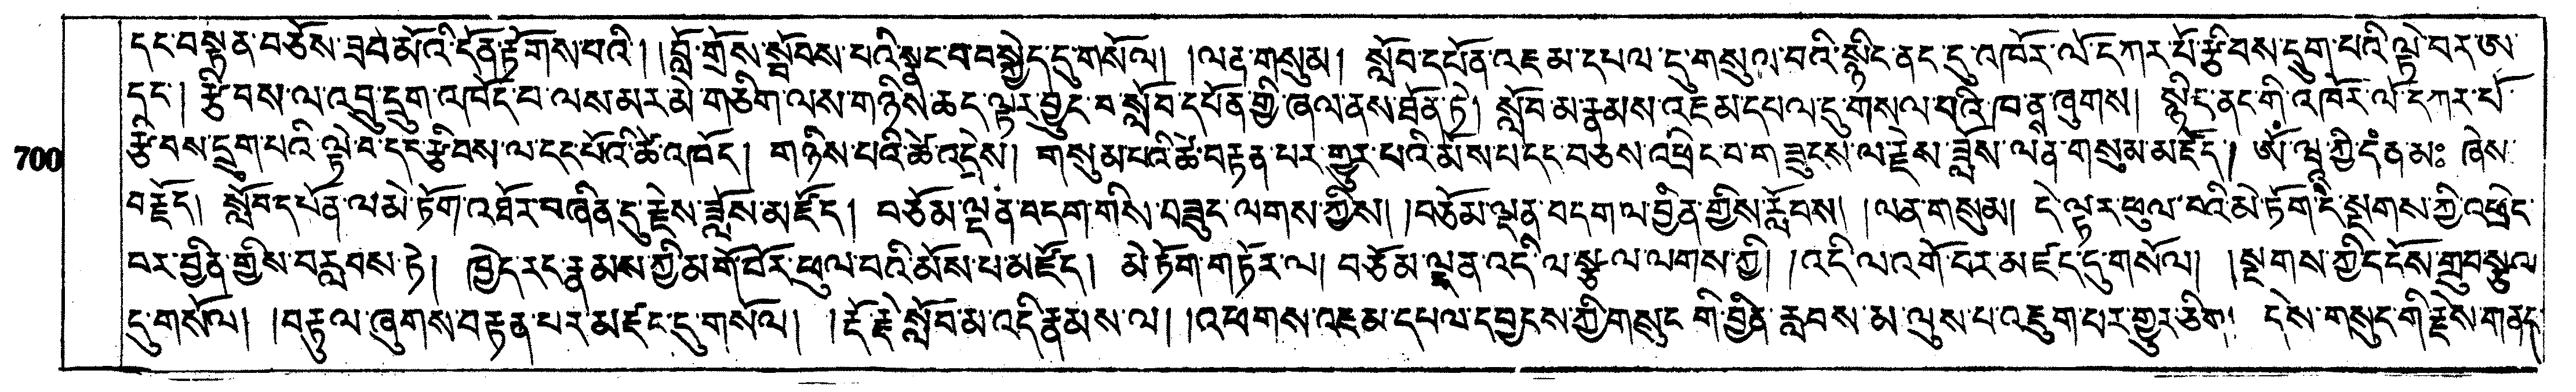དང་བསྟན་བཅོས་ཟབ་མོའི་དོན་རྟོགས་པའི། །བློ་གྲོས་སྤོབས་པའི་སྣང་བ་བསྐྱེད་དུ་གསོལ། །ལན་གསུམ། སློབ་དཔོན་འཇམ་དཔལ་དུ་གསུལ་བའི་སྙིང་ནང་དུ་འཁོར་ལོ་དཀར་པོ་རྩིབས་དྲུག་པའི་ལྟེ་བར་ཨ་
དང་། རྩིབས་ལ་འབྲུ་དྲུག་འཁོད་པ་ལས་མར་མེ་གཅིག་ལས་གཉིས་ཆད་ལྟར་བྱུང་བ་སློབ་དཔོན་གྱི་ཞལ་ནས་ཐོན་ཏེ། སློབ་མ་རྣམས་འཇམ་དཔལ་དུ་གསལ་བའི་ཁ་ནས་ཞུགས། སྙིང་ནང་གི་འཁོར་ལོ་དཀར་པོ་
རྩིབས་དྲུག་པའི་ལྟེ་བ་དང་རྩིབས་ལ་དང་པོའི་ཚེ་འཁོད། གཉིས་པའི་ཚེ་འདྲེས། གསུམ་པའི་ཚེ་བརྟན་པར་གྱུར་པའི་མོས་པ་དང་བཅས་འཕྲེང་བ་གཟུངས་ལ་རྗེས་ཟློས་ལན་གསུམ་མཛོད། ཨོཾ་ཝཱ་ཀྱི་དཾ་ན་མཿ ཞེས་
བརྗོད། སློབ་དཔོན་ལ་མེ་ཏོག་འཐོར་བཞིན་དུ་རྗེས་ཟློས་མཛོད། བཅོམ་ལྡན་བདག་གིས་བཟུང་ལགས་ཀྱིས། །བཅོམ་ལྡན་བདག་ལ་བྱིན་གྱིས་རློབས། །ལན་གསུམ། དེ་ལྟར་ཕུལ་བའི་མེ་ཏོག་དེ་སྔགས་ཀྱི་འཕྲེང་
བར་བྱིན་གྱིས་བརླབས་ཏེ། ཁྱེད་རང་རྣམས་ཀྱི་མགོ་བོར་ཕུལ་བའི་མོས་པ་མཛོད། མེ་ཏོག་གཏོར་ལ། བཅོམ་ལྡན་འདི་ལ་སྩལ་ལགས་ཀྱི། །འདི་ལ་འགོ་བར་མཛད་དུ་གསོལ། །སྔགས་ཀྱི་དངོས་གྲུབ་སྩལ་
དུ་གསོལ། །བརྟུལ་ཞུགས་བརྟན་པར་མཛད་དུ་གསོལ། །རྡོ་རྗེ་སློབ་མ་འདི་རྣམས་ལ། །འཕགས་འཇམ་དཔལ་དབྱངས་ཀྱི་གསུང་གི་བྱིན་རླབས་མ་ལུས་པ་འཇུག་པར་གྱུར་ཅིག །དེས་གསུང་གི་རྗེས་གནང་